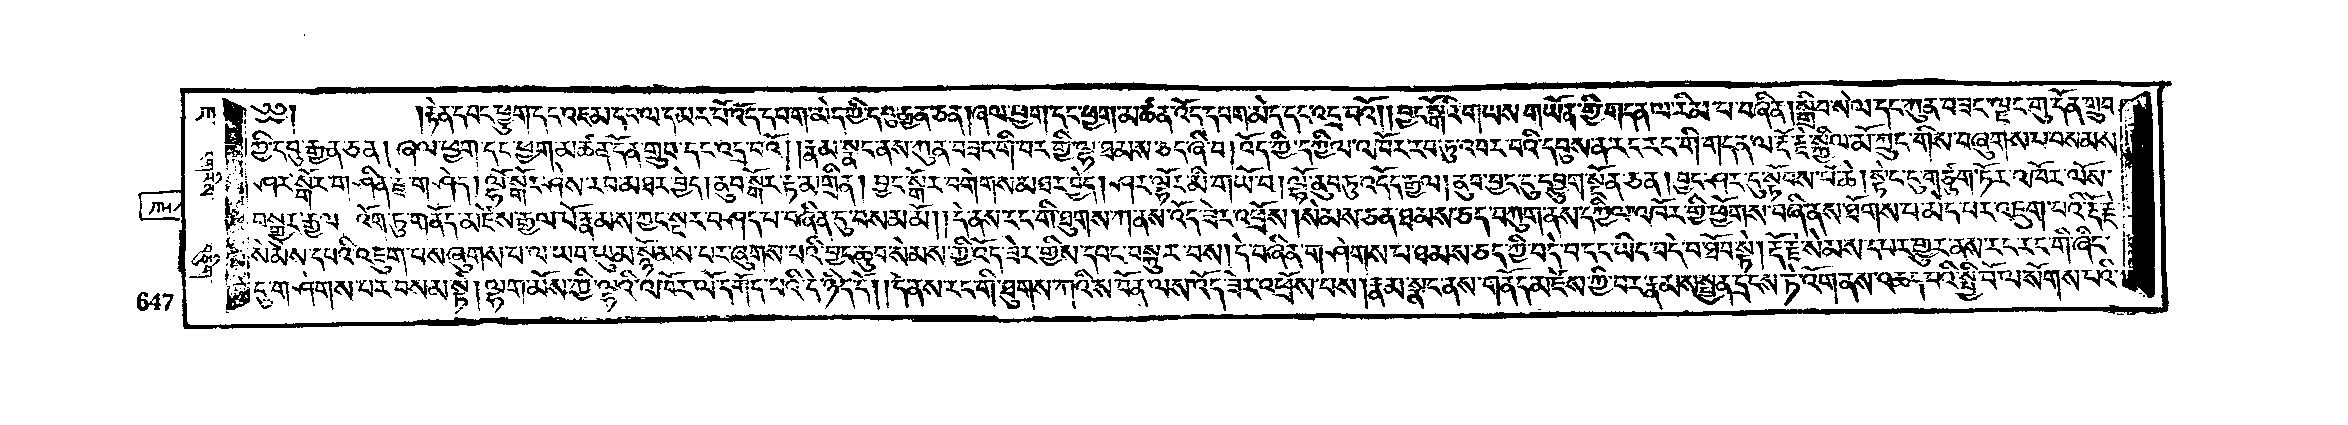༄༅། །རྟེན་དབང་ཕྱུག་དང་འཇམ་དཔལ་དམར་པོ་འོད་དཔག་མེད་ཀྱི་དབུ་རྒྱན་ཅན། ཞལ་ཕྱག་དང་ཕྱག་མཚན་འོད་དཔག་མེད་དང་འདྲ་བའོ། །བྱང་སྒོའི་གཡས་གཡོན་གྱི་གདན་ལ་རིམ་པ་བཞིན། སྒྲིབ་སེལ་དང་ཀུན་བཟང་ལྗང་གུ་དོན་གྲུབ་
ཀྱི་དབུ་རྒྱན་ཅན། ཞལ་ཕྱག་དང་ཕྱག་མཚན་དོན་གྲུབ་དང་འདྲ་བའོ། །རྣམ་སྣང་ནས་ཀུན་བཟང་གི་བར་གྱི་ལྷ་ཐམས་ཅད་ཞི་བ། འོད་ཀྱི་དཀྱིལ་འཁོར་རབ་ཏུ་འབར་བའི་དབུས་ན་རང་རང་གི་གདན་ལ་རྡོ་རྗེ་སྐྱིལ་མོ་ཀྲུང་གིས་བཞུགས་པ་བསམས་
ཤར་སྒོར་གཤིན་རྗེ་གཤེད། ལྷོ་སྒོར་ཤེས་རབ་མཐར་བྱེད། ནུབ་སྒོར་རྟ་མགྲིན། བྱང་སྒོར་བགེགས་མཐར་བྱེད། ཤར་ལྷོར་མི་གཡོ་བ། ལྷོ་ནུབ་ཏུ་འདོད་རྒྱལ། ནུབ་བྱང་དུ་དབྱུག་སྔོན་ཅན། བྱང་ཤར་དུ་སྟོབས་པོ་ཆེ། སྟེང་དུ་གཙུག་ཏོར་འཁོར་ལོས་
བསྒྱུར་རྒྱལ་འོག་ཏུ་གནོད་མཛེས་རྒྱལ་པོ་རྣམས་ཀྱང་སྔར་བཤད་པ་བཞིན་དུ་བསམ་མོ། །དེ་ནས་རང་གི་ཐུགས་ཀ་ནས་འོད་ཟེར་འཕྲོས། སེམས་ཅན་ཐམས་ཅད་བཀུག་ནས་དཀྱིལ་འཁོར་གྱི་ཕྱོགས་བཞི་ནས་ཐོགས་པ་མེད་པར་འཇུག་པའི་རྡོ་རྗེ་
སེམས་དཔའི་འཇུག་པས་ཞུགས་པ་ལ་ཡབ་ཡུམ་སྙོམས་པར་ཞུགས་པའི་བྱང་ཆུབ་སེམས་ཀྱི་འོད་ཟེར་གྱིས་དབང་བསྐུར་བས། དེ་བཞིན་གཤེགས་པ་ཐམས་ཅད་ཀྱི་བདེ་བ་དང་ཡིད་བདེ་བ་ཐོབ་སྟེ། རྡོ་རྗེ་སེམས་དཔར་གྱུར་ནས་རང་རང་གི་ཞིང་
དུ་གཤེགས་པར་བསམ་སྟེ། ལྷག་མོས་ཀྱི་ལྷའི་འཁོར་ལོ་དགོད་པའི་དེ་ཉིད་དོ། །དེ་ནས་རང་གི་ཐུགས་ཀའི་ས་བོན་ལས་འོད་ཟེར་འཕྲོས་པས། རྣམ་སྣང་ནས་གནོད་མཛེས་ཀྱི་བར་རྣམས་སྤྱན་དྲངས་ཏེ་འོག་ནས་འཆད་པའི་སྤྱི་བོ་ལ་སོགས་པའི་